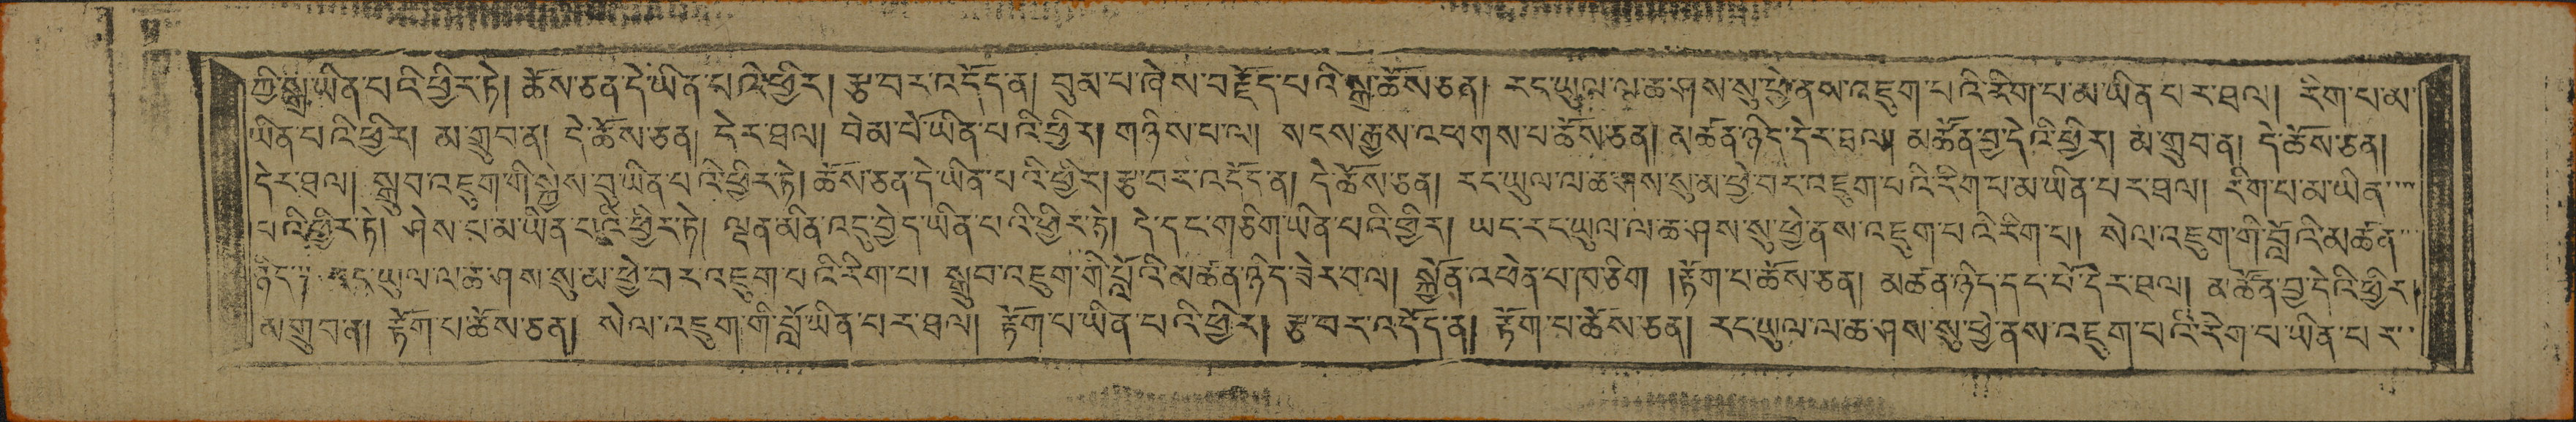ཀྱི་སྒྲ་ཡིན་པའི་ཕྱིར་ཏེ། ཆོས་ཅན་དེ་ཡིན་པའི་ཕྱིར། རྩ་བར་འདོད་ན། བུམ་པ་ཞེས་བརྗོད་པའི་སྒྲ་ཆོས་ཅན། རང་ཡུལ་ལ་ཆ་ཤས་སུ་ཕྱེ་ནས་འཇུག་པའི་རིག་པ་མ་ཡིན་པར་ཐལ། རིག་པ་མ་
ཡིན་པའི་ཕྱིར། མ་གྲུབ་ན། དེ་ཆོས་ཅན། དེར་ཐལ། བེམ་པོ་ཡིན་པའི་ཕྱིར། གཉིས་པ་ལ། སངས་རྒྱས་འཕགས་པ་ཆོས་ཅན། མཚན་ཉིད་དེར་ཐལ། མཚོན་བྱ་དེའི་ཕྱིར། མ་གྲུབ་ན། དེ་ཆོས་ཅན།
དེར་ཐལ། སྒྲུབ་འཇུག་གི་སྐྱེས་བུ་ཡིན་པའི་ཕྱིར་ཏེ། ཆོས་ཅན་དེ་ཡིན་པའི་ཕྱིར། རྩ་བར་འདོད་ན། དེ་ཆོས་ཅན། རང་ཡུལ་ལ་ཆ་ཤས་སུ་མ་ཕྱེ་བར་འཇུག་པའི་རིག་པ་མ་ཡིན་པར་ཐལ། རིག་པ་མ་ཡིན་
པའི་ཕྱིར་ཏེ། ཤེས་པ་མ་ཡིན་པའི་ཕྱིར་ཏེ། ཆོས་ཅན་དེ་ཡིན་པའི་ཕྱིར། རྩ་བར་འདོད་ན། དེ་ཆོས་ཅན། རང་ཡུལ་ལ་ཆ་ཤས་སུ་མ་ཕྱེ་བར་འཇུག་པའི་རིག་པ་མ་ཡིན་པར་ཐལ། རིག་པ་མ་ཡིན་
ཉིད༑ རང་ཡུལ་ལ་ཆ་ཤས་སུ་མ་ཕྱེ་བར་འཇུག་པའི་རིག་པ། སྒྲུབ་འཇུག་གི་བློའི་མཚན་ཉིད་ཟེར་བ་ལ། སྐྱོན་འཕེན་པ་ཁ་ཅིག །རྟོག་པ་ཆོས་ཅན། མཚན་ཉིད་དང་པོ་དེར་ཐལ། མཚོན་བྱ་དེའི་ཕྱིར།
མ་གྲུབ་ན། རྟོག་པ་ཆོས་ཅན། སེལ་འཇུག་གི་བློ་ཡིན་པར་ཐལ། རྟོག་པ་ཡིན་པའི་ཕྱིར། རྩ་བར་འདོད་ན། རྟོག་པ་ཆོས་ཅན། རང་ཡུལ་ལ་ཆ་ཤས་སུ་ཕྱེ་ནས་འཇུག་པའི་རིག་པ་ཡིན་པར་